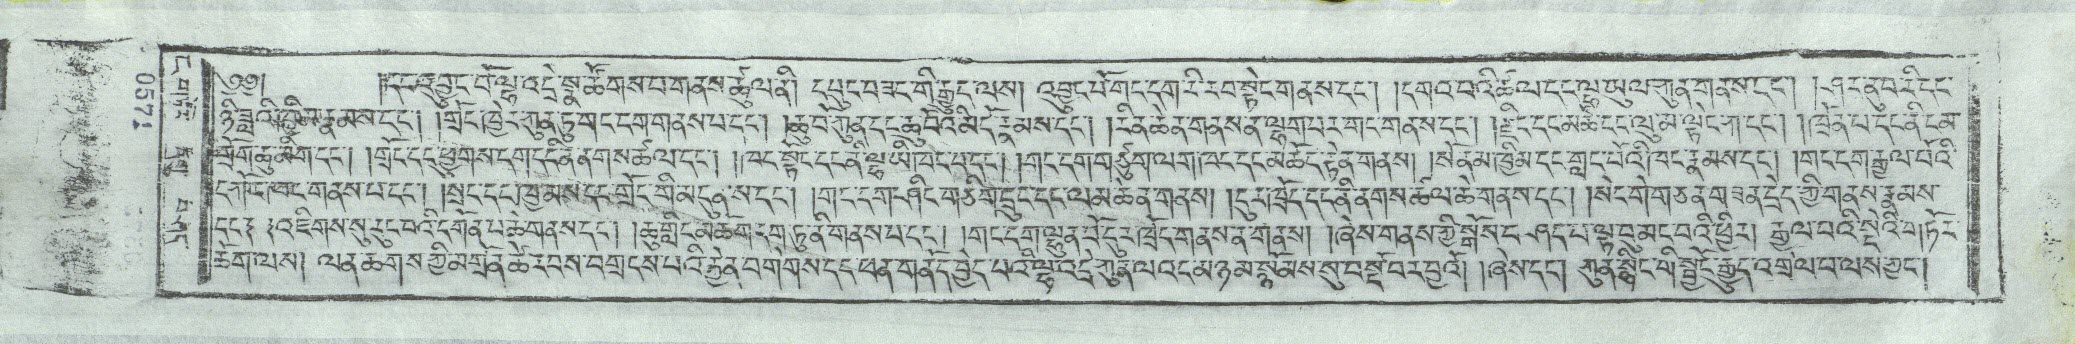༄༅། །དང་འབྱུང་པོ་ལྷ་འདྲེ་སྣ་ཚོགས་པ་གནས་ཚུལ་ནི། དཔུང་བཟང་གི་རྒྱུད་ལས། འབྱུང་པོ་གང་དག་རི་རབ་སྟེང་གནས་དང་། །དགའ་བའི་ཚལ་དང་ལྷ་ཡུལ་ཀུན་གནས་དང་། །ཤར་ནུབ་རི་དང་
ཉི་ཟླའི་ཁྱིམ་རྣམས་དང་། །གྲོང་ཁྱེར་ཀུན་ཏུ་གང་དག་གནས་པ་དང་། །ཆུ་བོ་ཀུན་དང་ཆུ་བོའི་མདོ་རྣམས་དང་། །རིན་ཆེན་གནས་ན་ལྷག་པར་གང་གནས་དང་། །རྫིང་དང་མཆེ་དང་ལུ་མ་ལྟེང་ཀ་དང་། །ཁྲོན་པ་དང་ནི་ངས་
གྲོག་ཆུ་མིག་དང་། །གྲོང་དང་ཕྱུགས་དག་དང་ནི་ནགས་ཚལ་དང་། །ཁང་སྟོང་དང་ནི་ལྷ་ཡི་ཁང་པ་དང་། །གང་དག་གཙུག་ལག་ཁང་དང་མཚོང་རྟེན་གནས། །སོ་ནམ་ཁྱིམ་དང་གླང་པོའི་ཁང་རྣམས་དང་། །གང་དག་རྒྱལ་པོའི་
དཀོར་ཁང་གནས་པ་དང་། །སྲང་དང་ཁྱམས་དང་གྲོང་གི་མདུན་ས་དང་། །གང་དག་ཤིང་གཅིག་དྲུང་དང་ལམ་ཆེན་གནས། །དུར་ཁྲོད་དང་ནི་ནགས་ཚལ་ཆེ་གནས་དང་། །སེང་གེ་གཅན་གཟན་དྲེད་ཀྱི་གནས་རྣམས་
དང༑ ༑འཇིགས་སུ་རུང་བའི་དགོན་པ་ཆེ་གནས་དང་། །ཆུ་གླིང་མཆོག་དག་ཏུ་ནི་གནས་པ་དང་། །གང་དག་ལྷུན་པོ་དུར་ཁྲོད་གནས་ན་གནས། །ཞེས་གནས་ཀྱི་སྒོས་བཤད་པ་ལྟ་བུ་མང་པའི་ཕྱིར། རྒྱལ་བའི་སྡེའི་གཏོར་
ཆོག་ལས། ལན་ཆགས་ཀྱི་མགྲོན་ཚེ་རབས་བགྲངས་པའི་རྐྱེན་བགེགས་དང་ཕན་གནོད་བྱེད་པའི་ལྷ་འདྲེ་ཀུན་ལའང་མཉམ་སྙོམས་སུ་བསྔོ་བར་བྱའོ། །ཞེས་དང་། ཀུན་སྙིང་གི་སྦྱོང་རྒྱུད་འགྲེལ་པ་ལས་ཀྱང་།